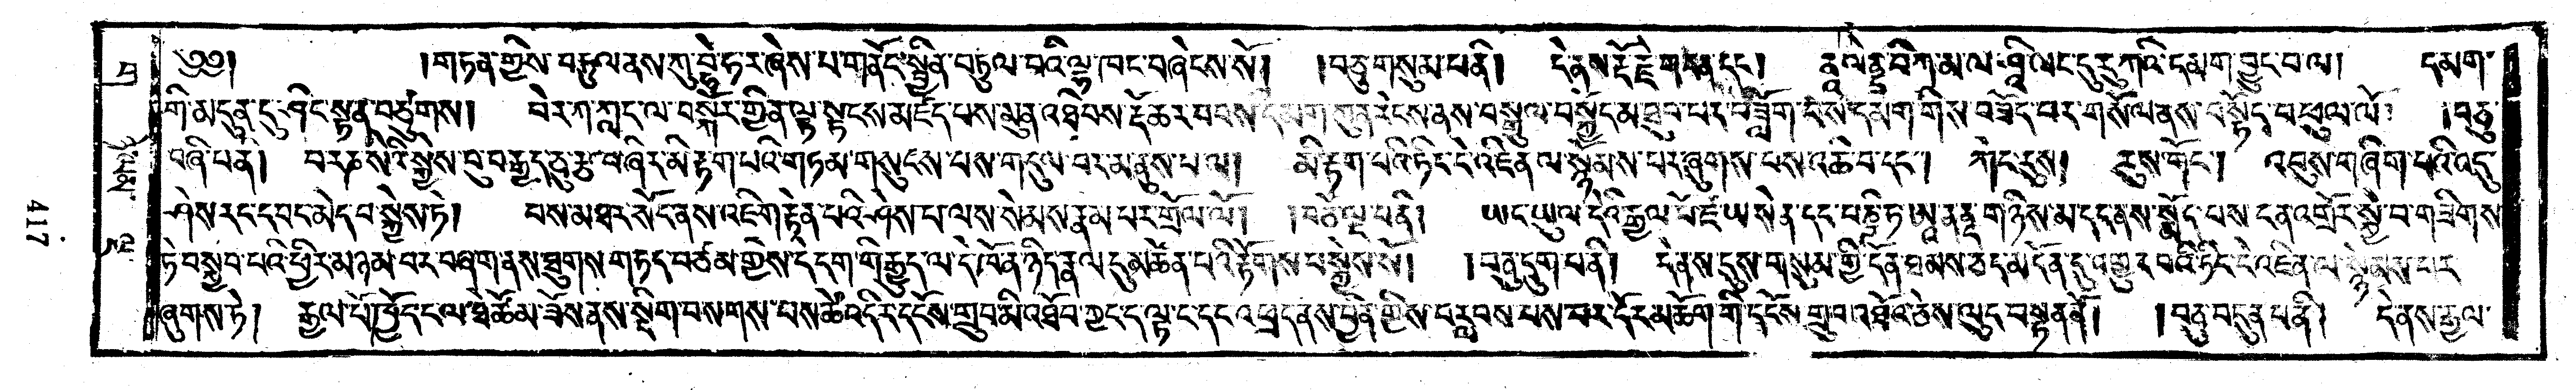༄༅། །གཏན་གྱིས་བཏུལ་ནས་ཀུ་བྷེ་ཧ་ར་ཞེས་པ་གནོད་སྦྱིན་བཏུལ་བའི་ལྷ་ཁང་བཞེངས་སོ། །བཅུ་གསུམ་པ་ནི། དེ་ནས་རྡོ་རྗེ་གདན་དང་། ནཱ་ལེནྡྲ་བི་ཀ་མ་ལ་ཤཱི་ལང་དུ་རུ་ཀའི་དམག་བྱུང་བ་ལ། དམག་
གི་མདུན་དུ་ཤིང་སྟན་བཙུགས། བེར་ཀ་ཀླང་ལ་བསྐོར་གྱིན་ལྟ་སྟངས་མཛད་པས་མུན་འཐིབས་རྡོ་ཆར་བབས་དམག་ཀུན་རེངས་ནས་བསྒུལ་བསྐྱོད་མ་ཐུབ་པར་བཟློག་བས་དམག་གིས་བཟོད་པར་གསོལ་ནས་བསྟོད་པ་ཕུལ་ལོ། །བཅུ་
བཞི་པ་ནི། བ་རཎ?་སེའི་སྐྱེས་བུ་བརྒྱད་ཅུ་རྩ་བ་ཞིར་མི་རྟག་པའི་གཏམ་གསུངས་པས་གདུལ་བར་མ་ནུས་པ་ལ། མི་རྟག་པའི་ཏིང་ངེ་འཛིན་ལ་སྙོམས་པར་ཞུགས་པས་འཆི་བ་དང་། ཀེང་རུས། རུས་གོང་། འབུས་གཞིག་པའི་འདུ་
ཤེས་རང་དབང་མེད་པ་སྐྱེས་ཏེ། པས་མཐར་སོང་ནས་འཇིག་རྟེན་པའི་ཤེས་པ་ལས་སེམས་རྣམ་པར་གྲོལ་ལོ། །བཅོ་ལྔ་པ་ནི། ཡང་ཡུལ་དེའི་རྒྱལ་པོ་ཛ་ཡ་སེན་དང་པཎྜི་ཏ་ཨཱ་ནནྡ་གཉིས་མ་དང་ནས་སྨོད་པས་ངན་འགྲོར་སྐྱེ་བ་གཟིགས་
ཏེ་བསྐྱབ་པའི་ཕྱིར་མཉམ་པར་བཞག་ནས་ཐུགས་གཏད་བཙམ་གྱིས་དེ་དག་གི་རྒྱུད་ལ་དེ་ཁོ་ན་ཉིད་རྣལ་དུ་མཚོན་པའི་རྟོགས་པ་སྐྱེས་སོ། །བཅུ་དྲུག་པ་ནི། དེ་ནས་དུས་གསུམ་གྱི་དོན་ཐམས་ཅད་མངོན་དུ་འགྱུར་བའི་ཏིང་ངེ་འཛིན་ལ་སྙེམས་པར་
ཞུགས་ཏེ། རྒྱལ་པོ་ཁྱོད་ང་ལ་ཐེ་ཚོམ་ཟོས་ནས་སྡིག་བསགས་པས་ཚེ་འདིར་དངོས་གྲུབ་མི་འཐོབ་ཀྱང་ད་ལྟ་ང་དང་འཕྲད་ནས་བྱིན་གྱིས་བརླབས་པས་བར་དོར་མཆོག་གི་དངོས་གྲུབ་འཐོབ་ཅེས་ལུང་བསྟན་ནོ། །བཅུ་བདུན་པ་ནི། དེ་ནས་རྒྱལ་